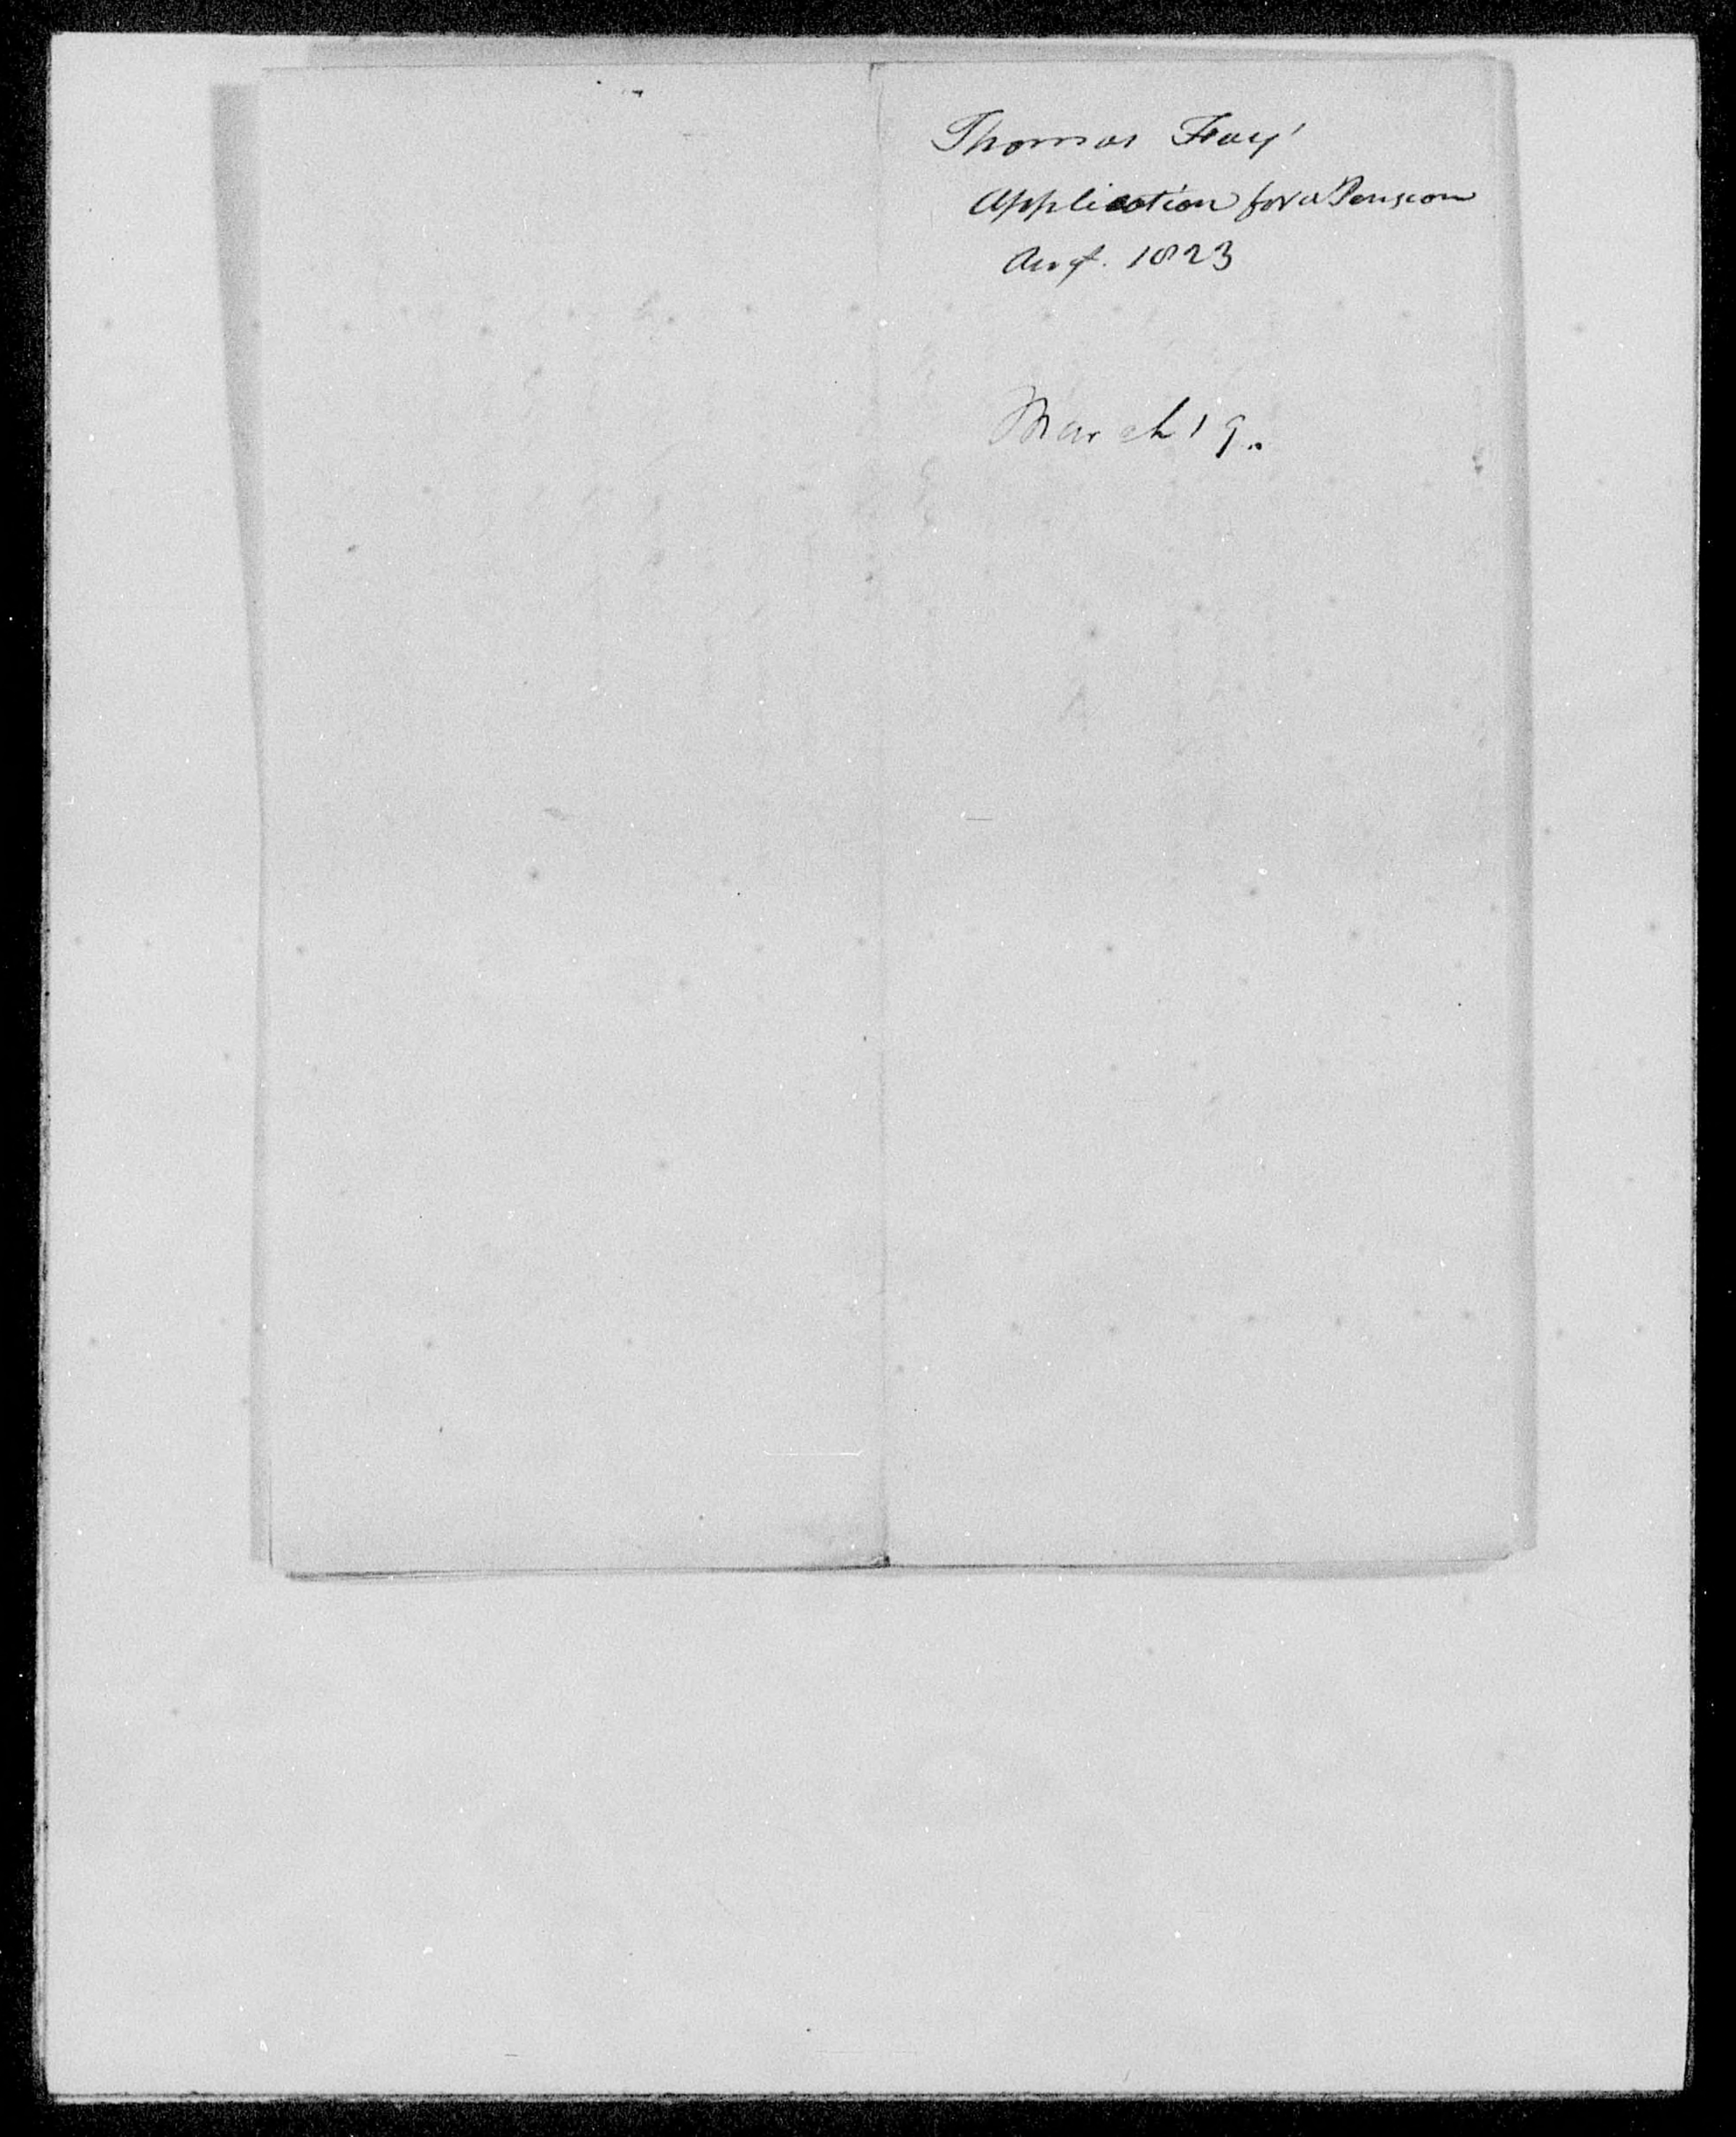Thomas Fay 
Application for a Pension 
Augt 1823


March 19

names: Thomas Fay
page: 20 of 31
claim: survivor's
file: S. 34,839, Thomas Fay, Mass.